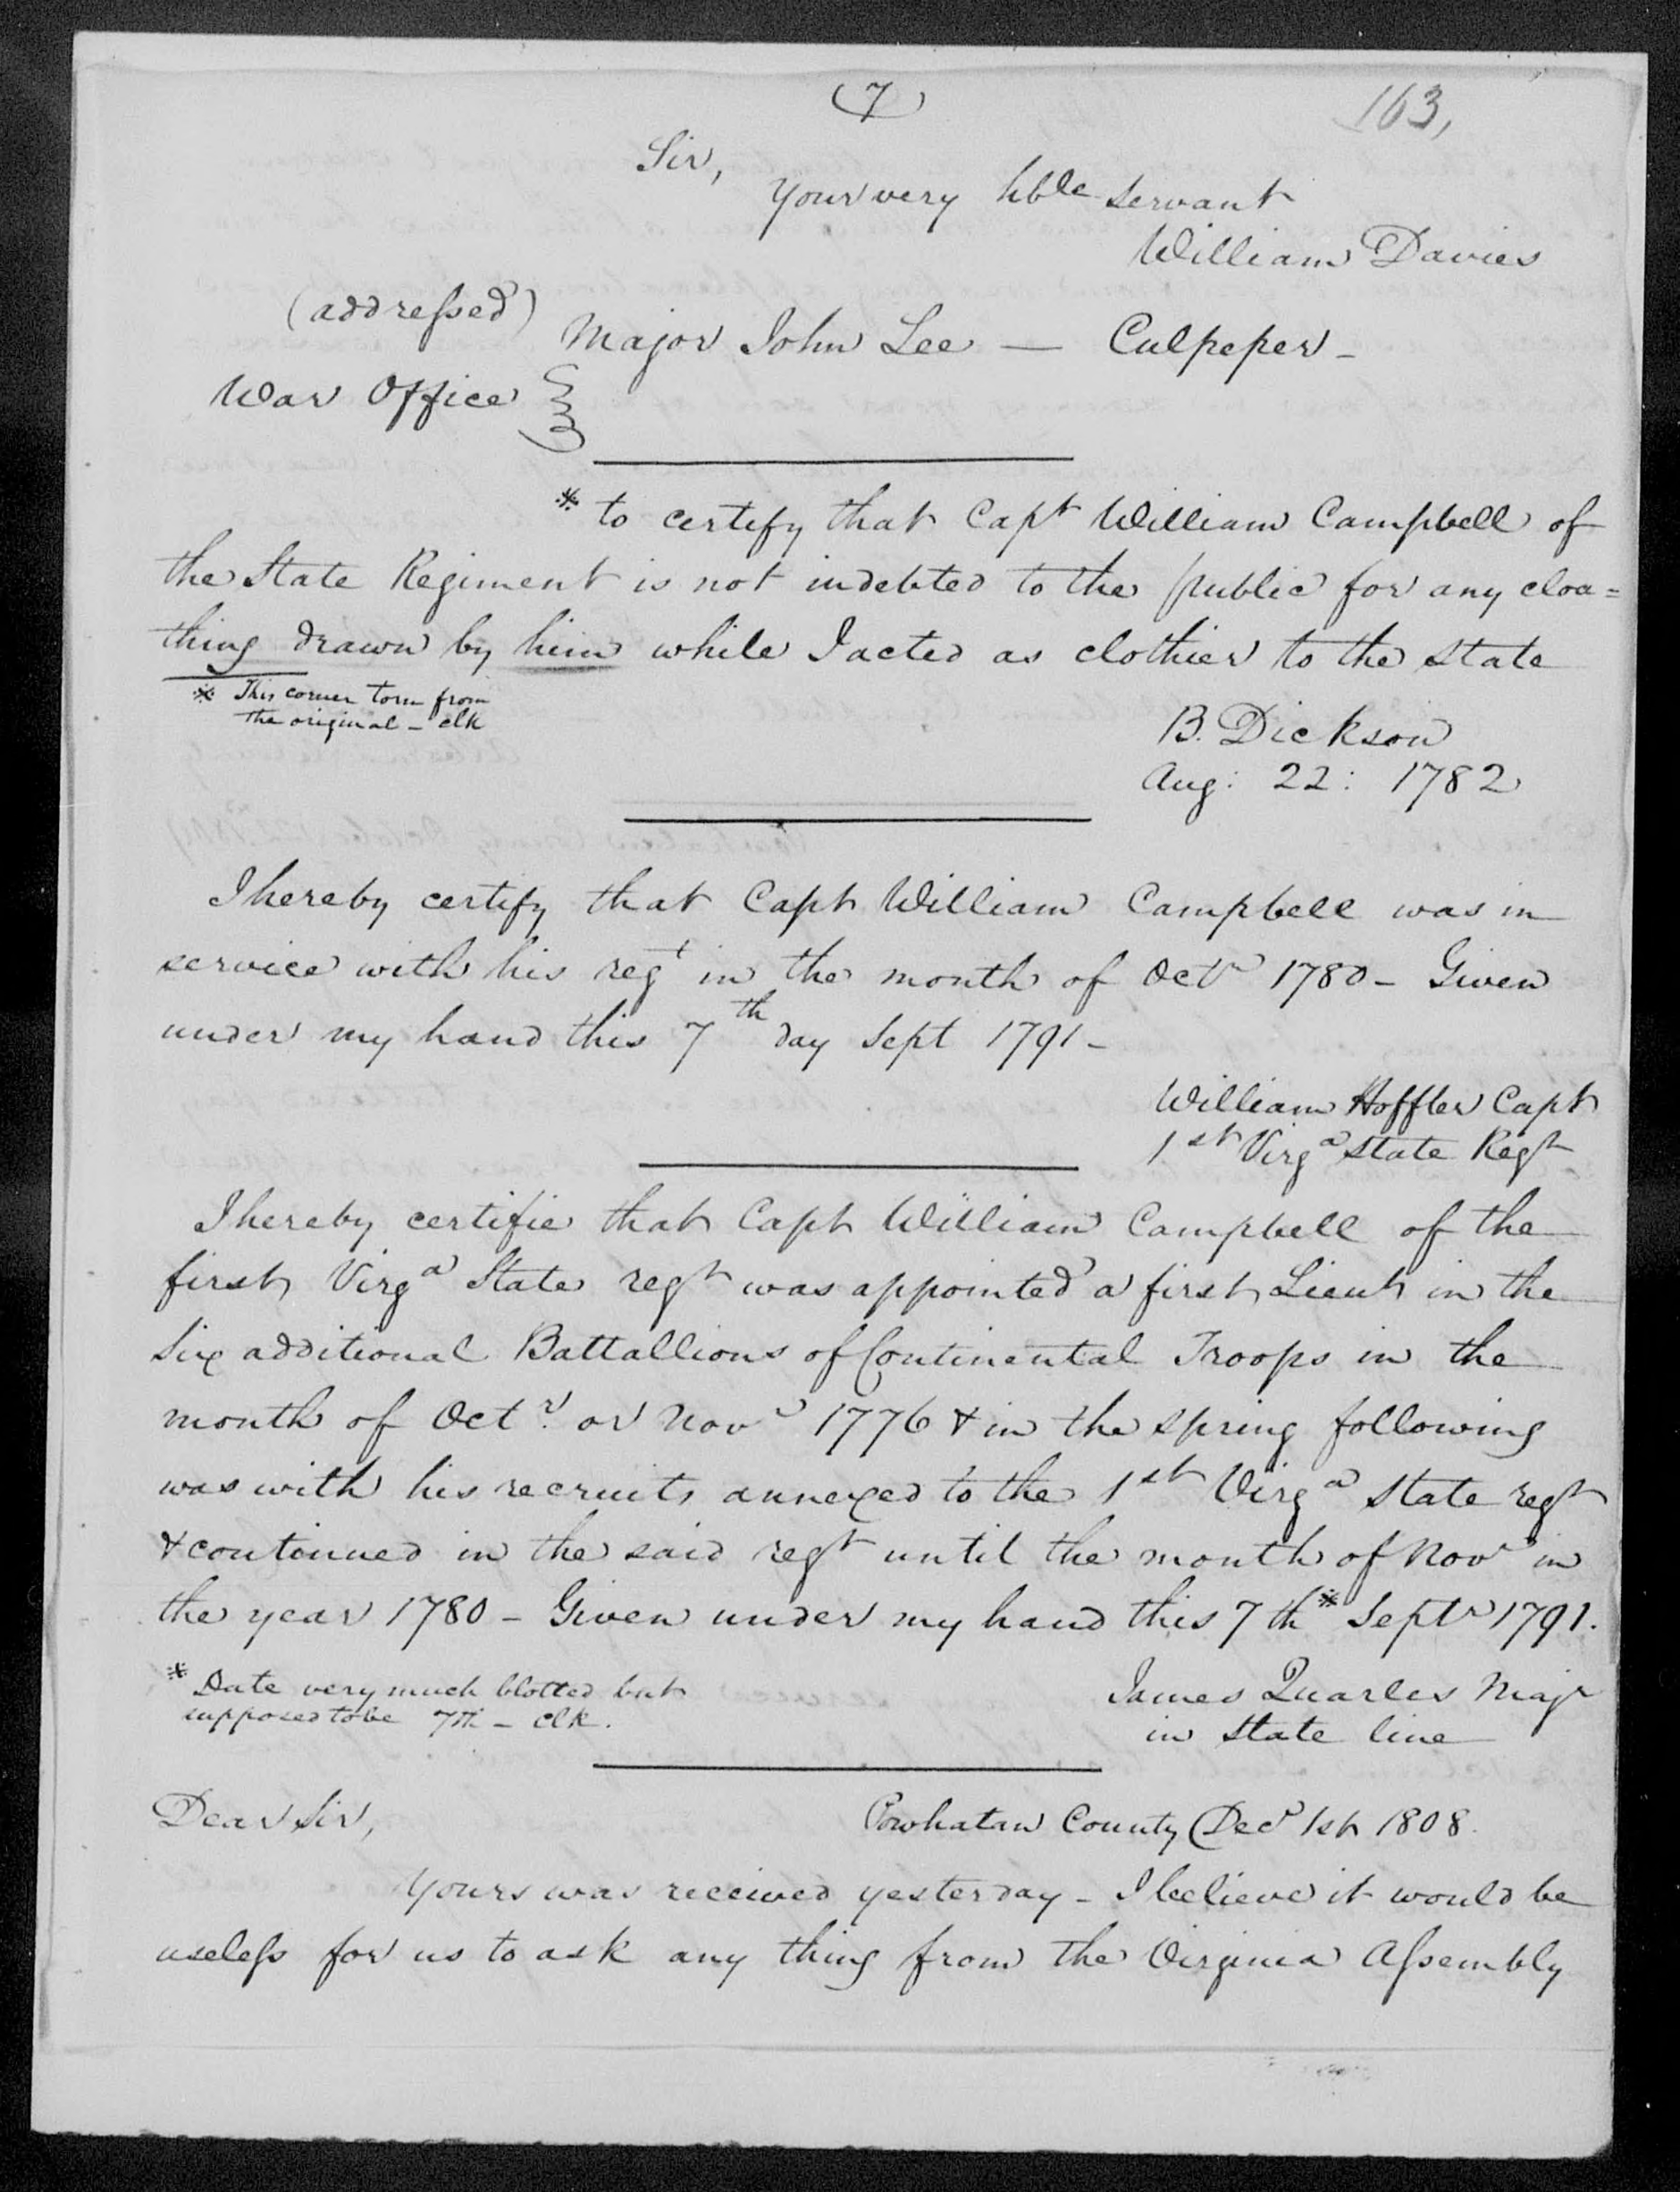(7)        (163)
Sir,
Your hble Servant
William Davies
(addressed)  Major John Lee ____ Culpeper __ War Office
________________
* to certify that Capt William Campbell of the State Regiment is not indebted to the public for any cloathing drawn by him while I acted as clothier to the State 
* This corner torn from the original__ clk
B Dickson
Aug: 22:  1782
__________________

I hereby certify that Capt William Campbell was in service with his regt in the month of Octr 1780 __ Given under my hand this 7th day of Sept 1791 _
William Hoffler Capt
1st Virga State Regt
___________________

I hereby certifie that Capt William Campbell of the first Virga State regt was appointed a first Lieut in the Six additional Battalions of Continental Troops in the month of Octr or Novr 1776 +[and] in the Spring following was with his recruits annexed to the 1st Virga State regt +[and] continued in the said regt until the month of Novr in the year 1780 __ Given under my hand this 7th * Septr 1791.
* Date very much blotted but appears to be 7th __ clk
James Quarles Majr in State line
___________________

Powhatan County Decr 1st 1808
Dear Sir, Yours was received yesterday __ I believe it would be useless for us to ask any thing from the Virginia Assembly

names: James Quarles, John Lee, William Campbell, William Davies, William Hoffler, William Campbell, William Campbell, B Dickson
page: 9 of 267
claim: widow's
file: W. 4,149, William Campbell, Va.